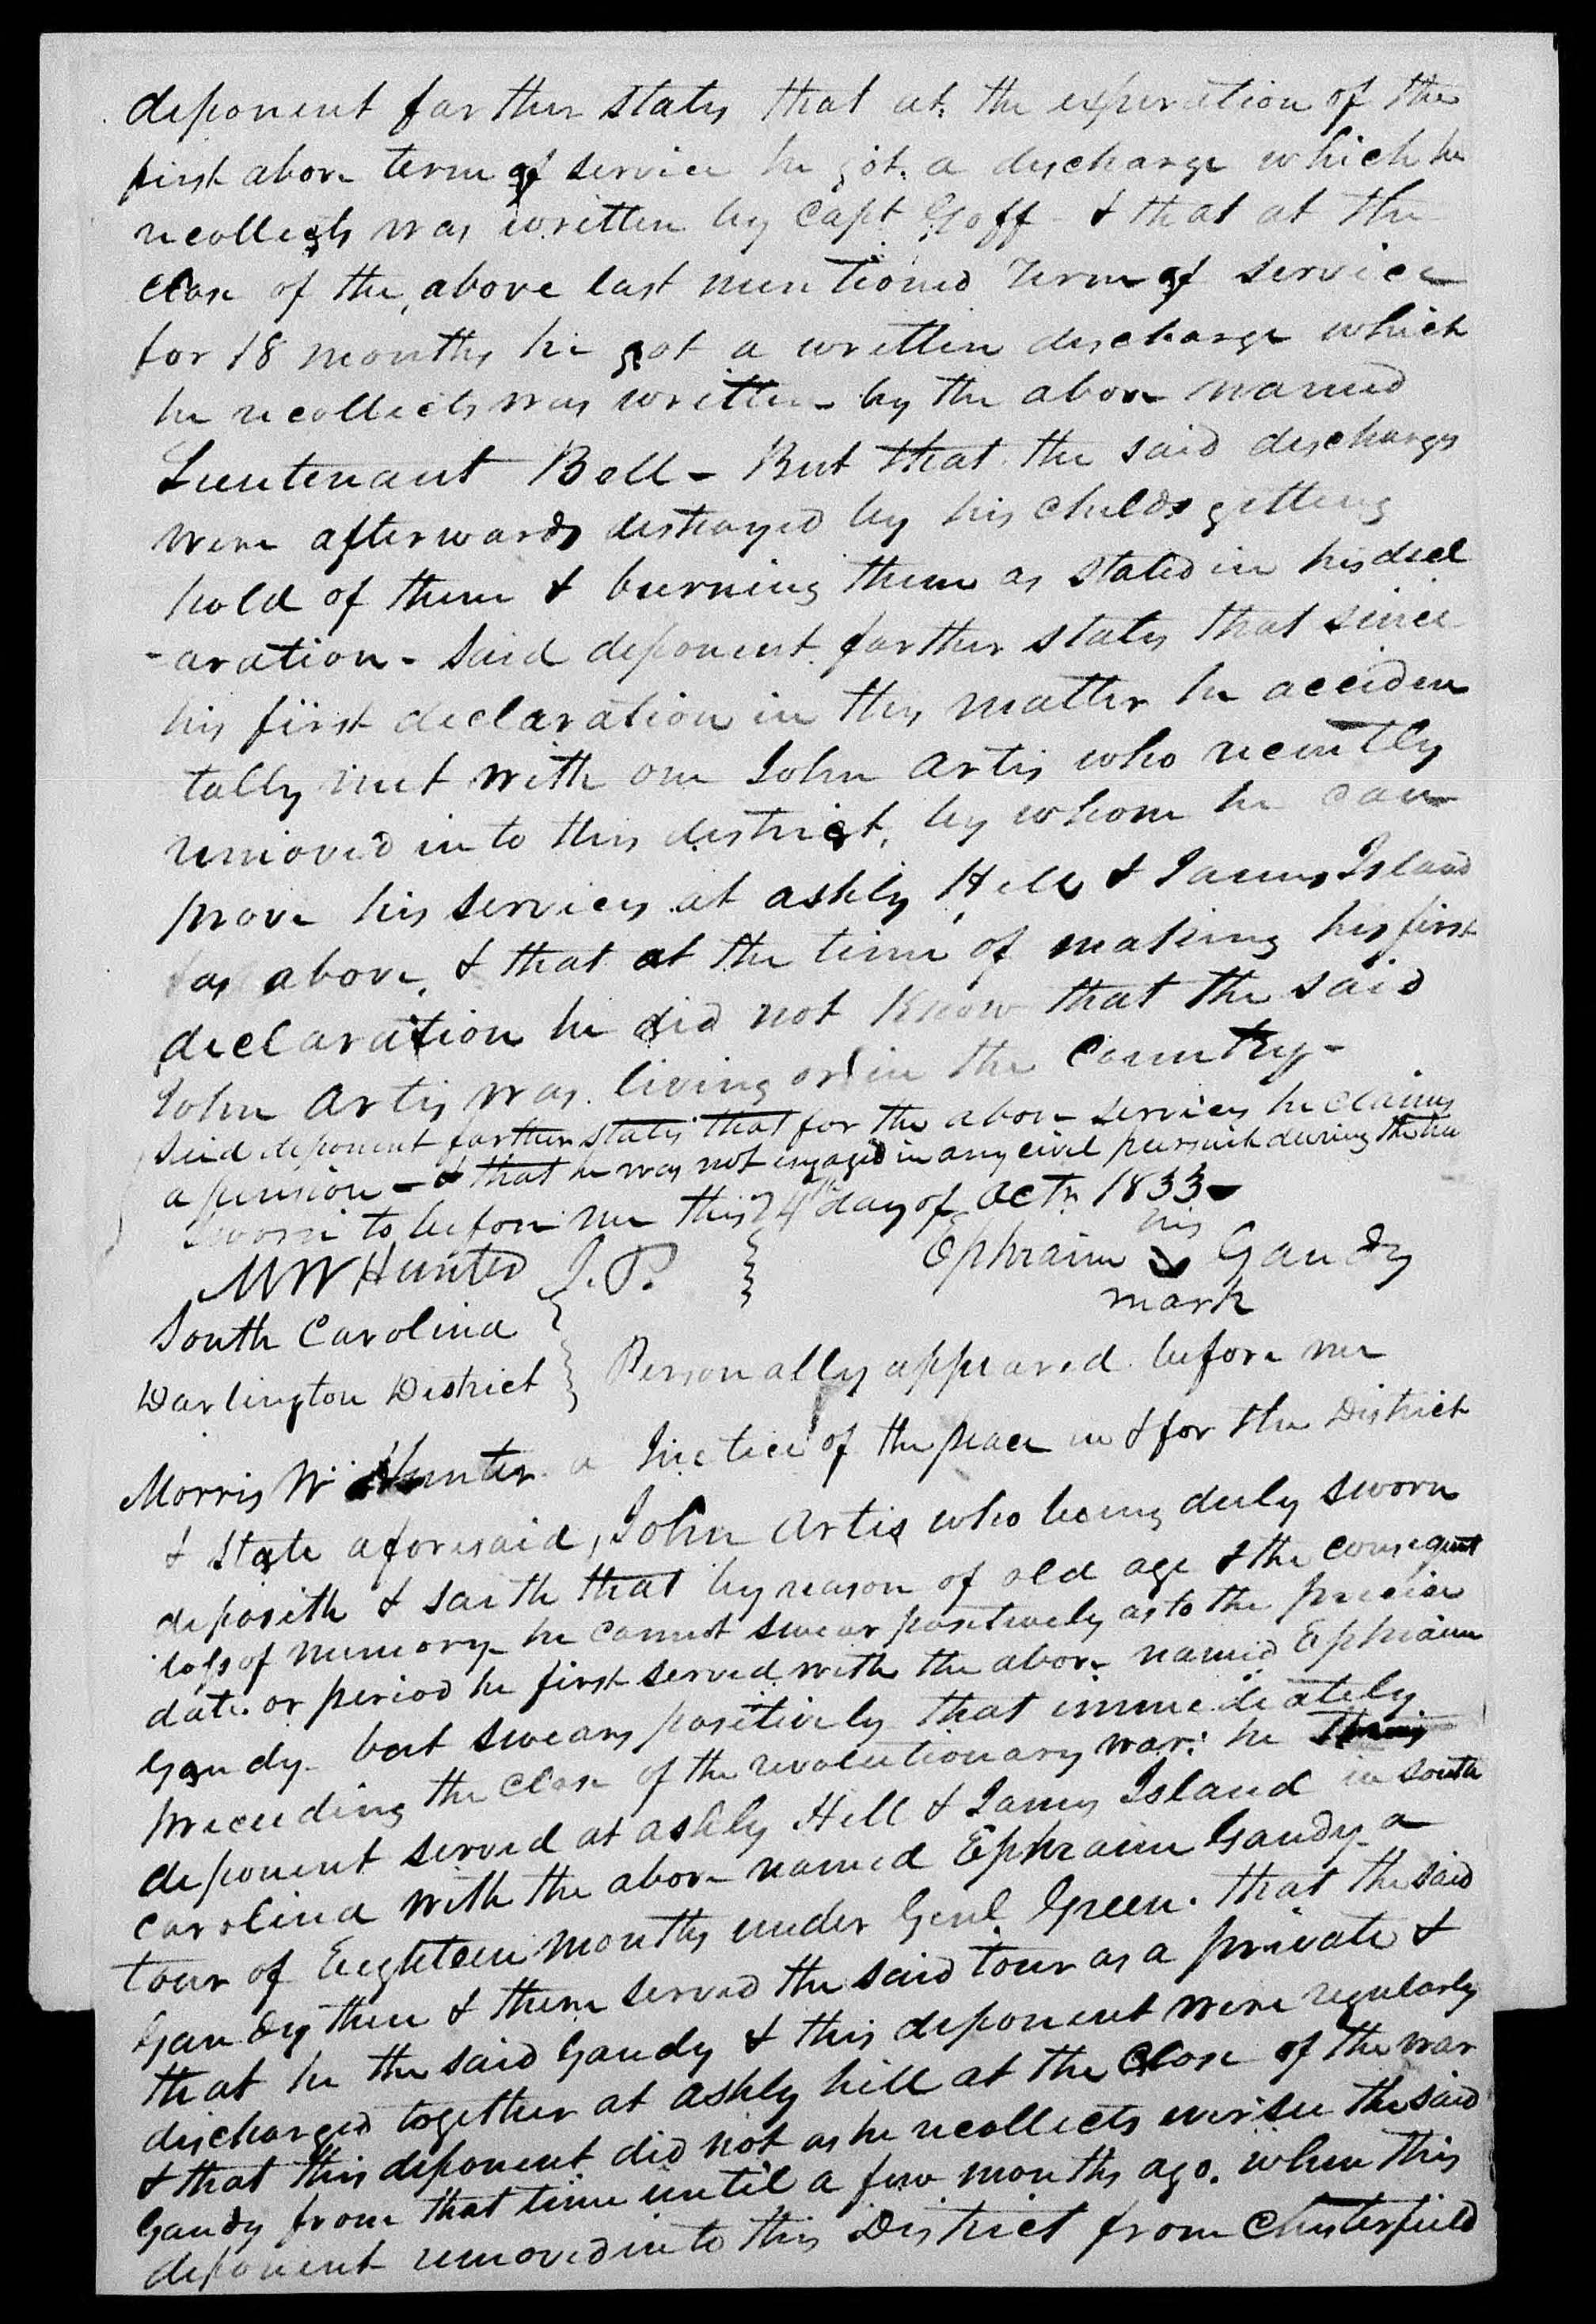deponent further states that at the expiration of the first above term of service he got a discharge which he
recollects was written by Capt Goff & that at the close of the above last mentioned term of service for 18 months he got a written discharge which he recollects written by the above named Lieutenant Bell - But that the said discharges were afterwards destroyed by his child's getting hold of them and burning them as stated in his declaration. - said deponent further states that since his first declaration in this matter he accidentally met with one John Artis who recently removed to this district by whom he can prove his services at Ashley Hill and James Island as above. And that at the time of making his first declaration he did not know that the said 
John Artis was living or in the country. 

Said deponent further states that for the above services he claims a pension - and that he was not engaged in any civil pursuit during this time
Ephraim X Gaudy his mark [signature]
Sworn to before me this 24th day of October 1833
M W Hunter J P

South Carolina
Darlington District
Personally appeared before me Morris W Hunter a justice of the Peace in and for the District & state aforesaid,  John Artis who being duly sworn deposeth & saith that by reason of old age & the consequent loss of memory he cannot swear positively as to the precise date or period he first served with the above named Ephraim Gaudy but swears positively that immediately preceding the close of the revolutionary War he, the deponent served at Ashley Hill & James island in South Carolina with the above named Ephraim Gaudy a tour of eighteen months under Genl Greene . That the said Gaudy there & then served the said tour as a private & that he the said Gaudy & this deponent were regularly discharged together at Ashley Hill at the close of the war & that this deponent did not as he recollects ever see the said Gaudy from that time until a few months ago when this deponent removed to this district from Chesterfield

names: Gaudy, M W Hunter, Gaudy, John Artis, Morris W Hunter, John Artis, Gaudy, Green, Ephraim Gaudy, Ephraim Gaudy, John Artis, Ephraim Gaudy, Goff, Bell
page: 8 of 12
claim: survivor's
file: S. 17971, Ephraim Gaudy, N.C. S.C.